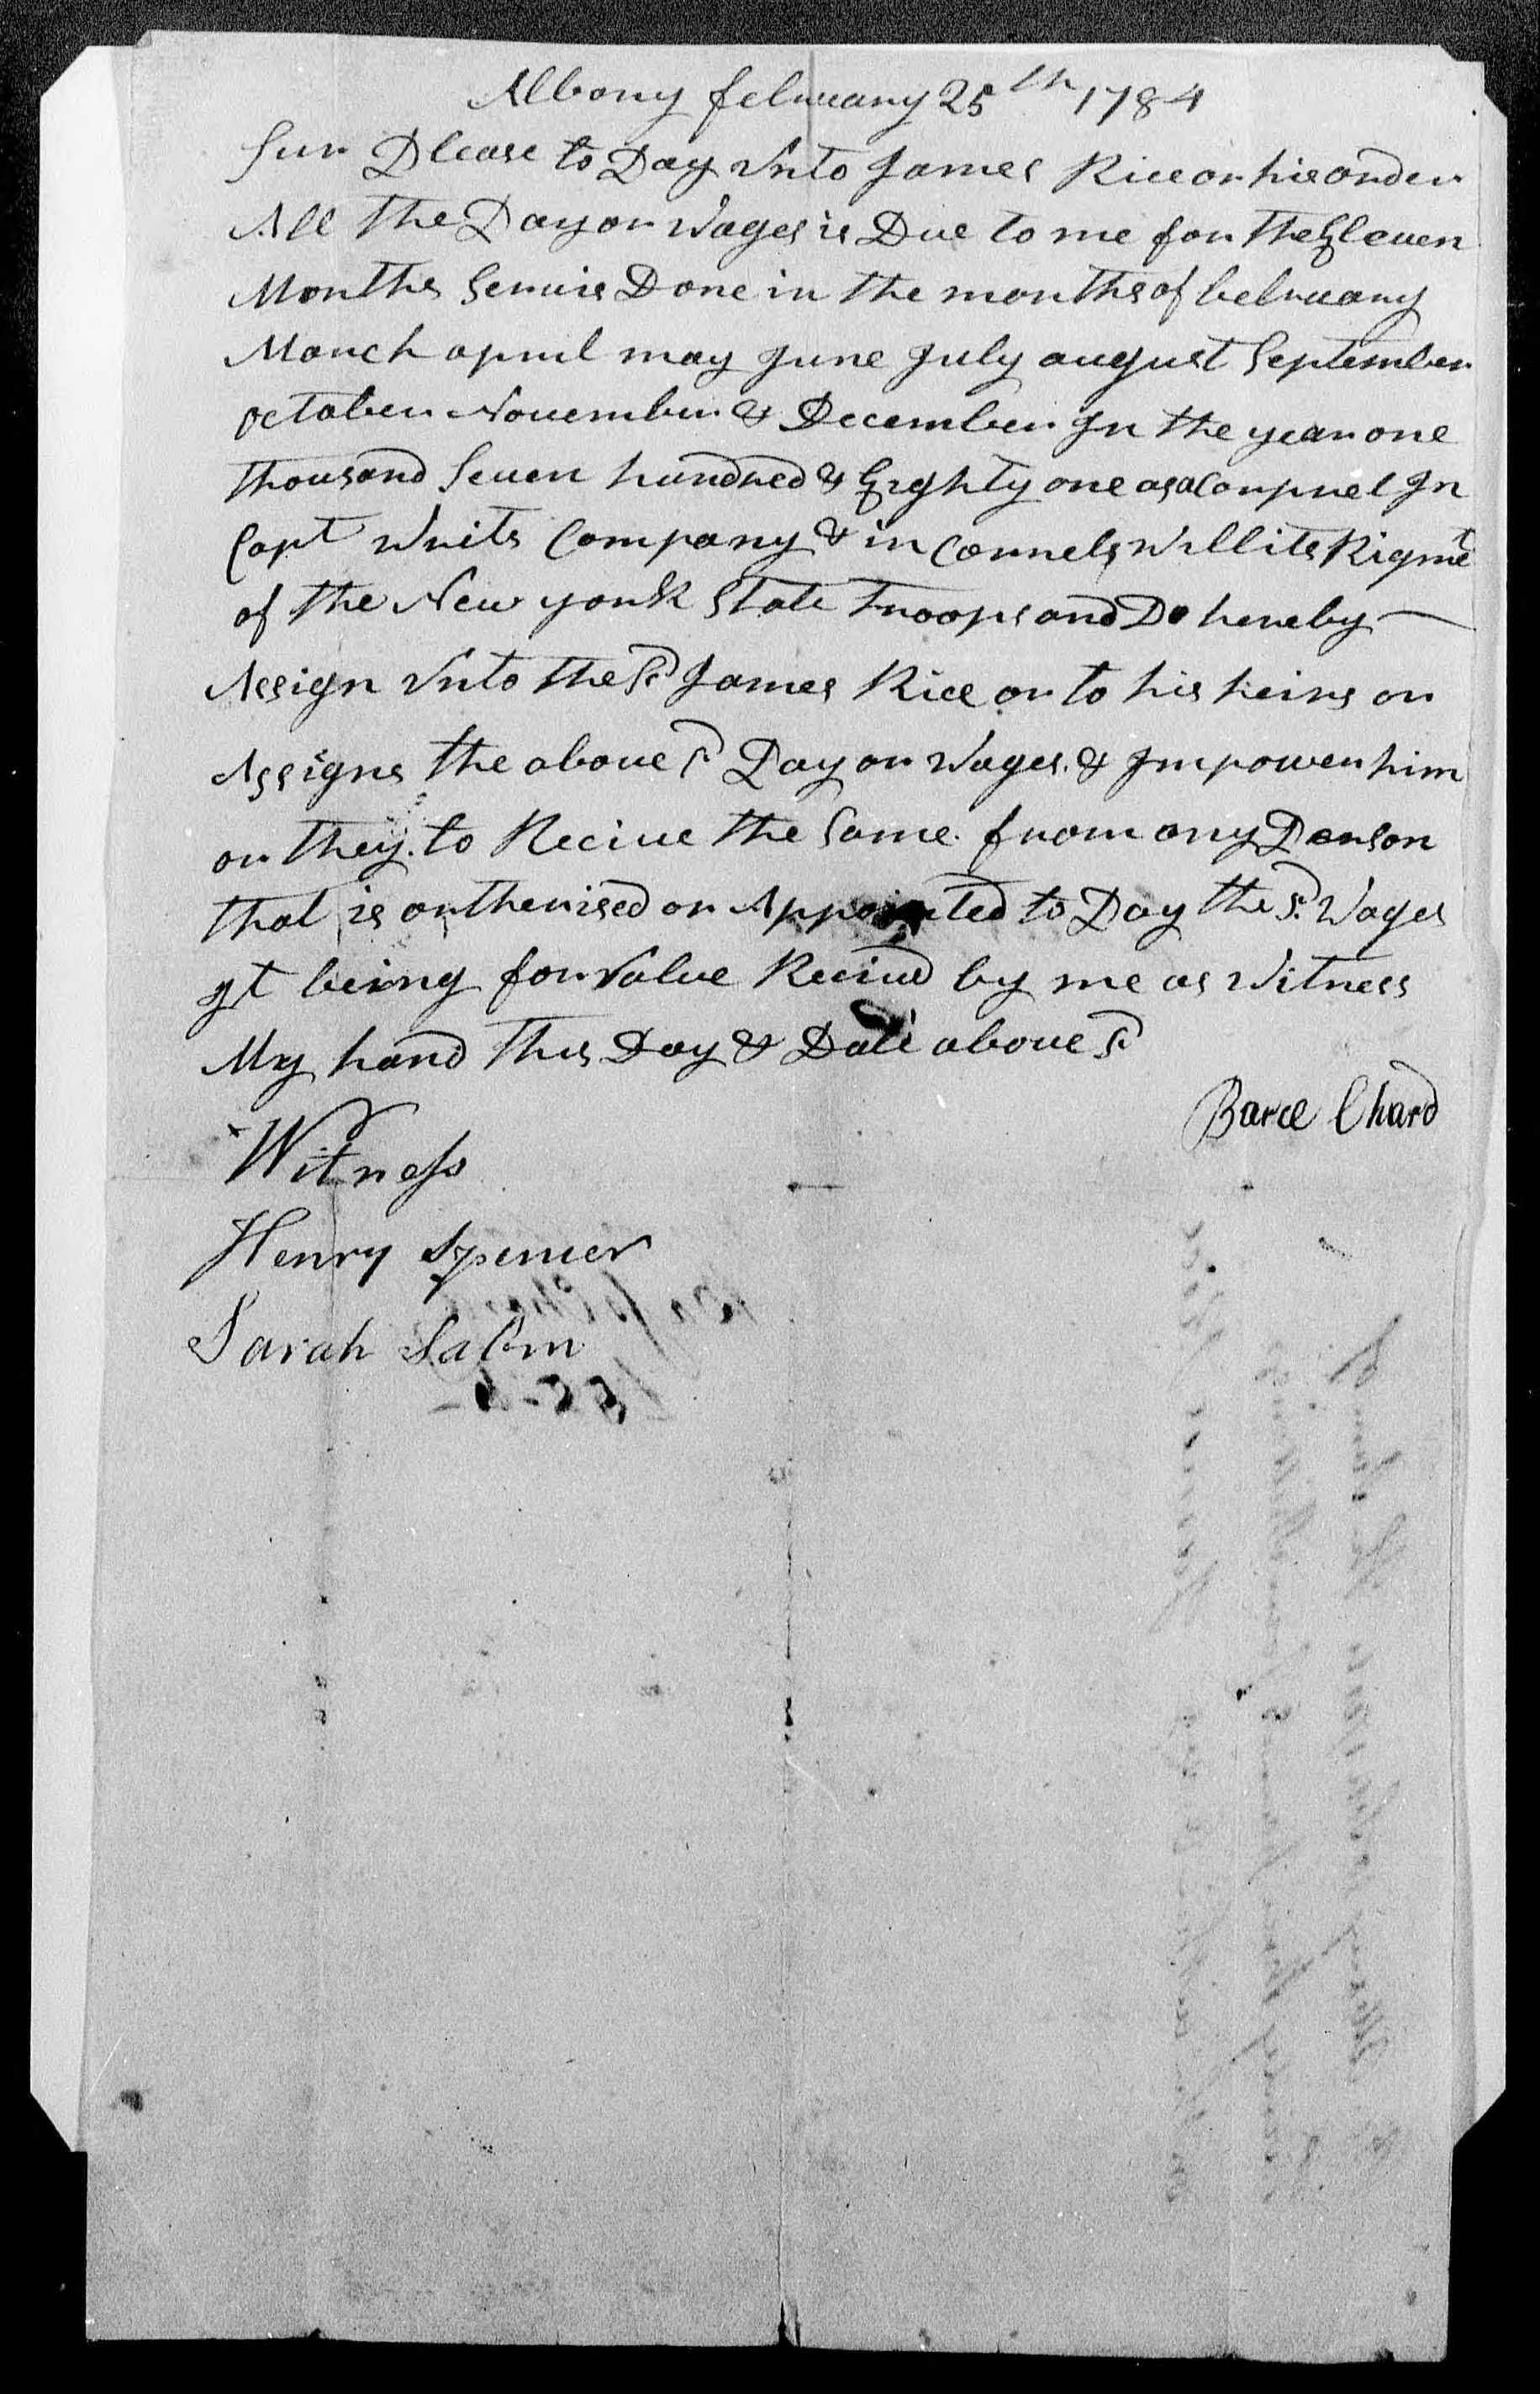Albany February 25th 1784 
Sir Please to Pay unto James Rice or his order All the Pay or Wages is Due to me for the Eleven Months Service Done in the months of february March april may June July august September October November & December In the year one thousand Seven hundred & Eighty one as a Corprel [sic] In Capt Writs [sic] Company & in Connel [sic] Willits [sic] Rigment [sic] of the New York State troops and Do hereby Assign unto the James Rice or to his heirs or Assigns the above Pay or Wages & empower him or they to Receive the Same from any Person that is autherised [sic] or Appointed to Pay the sd. Wages. It being for Value Recived [sic] by me as Witness My hand this Day & Date above sd. 
[Signed] Barce Chard
Witness 
Henry Spencer 
Sarah Sabin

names: James Rice, Barce Chard, James Rice, Sarah Sabin, Henry Spencer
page: 45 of 47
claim: widow's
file: W. 10,602, Barce Chard, New York.